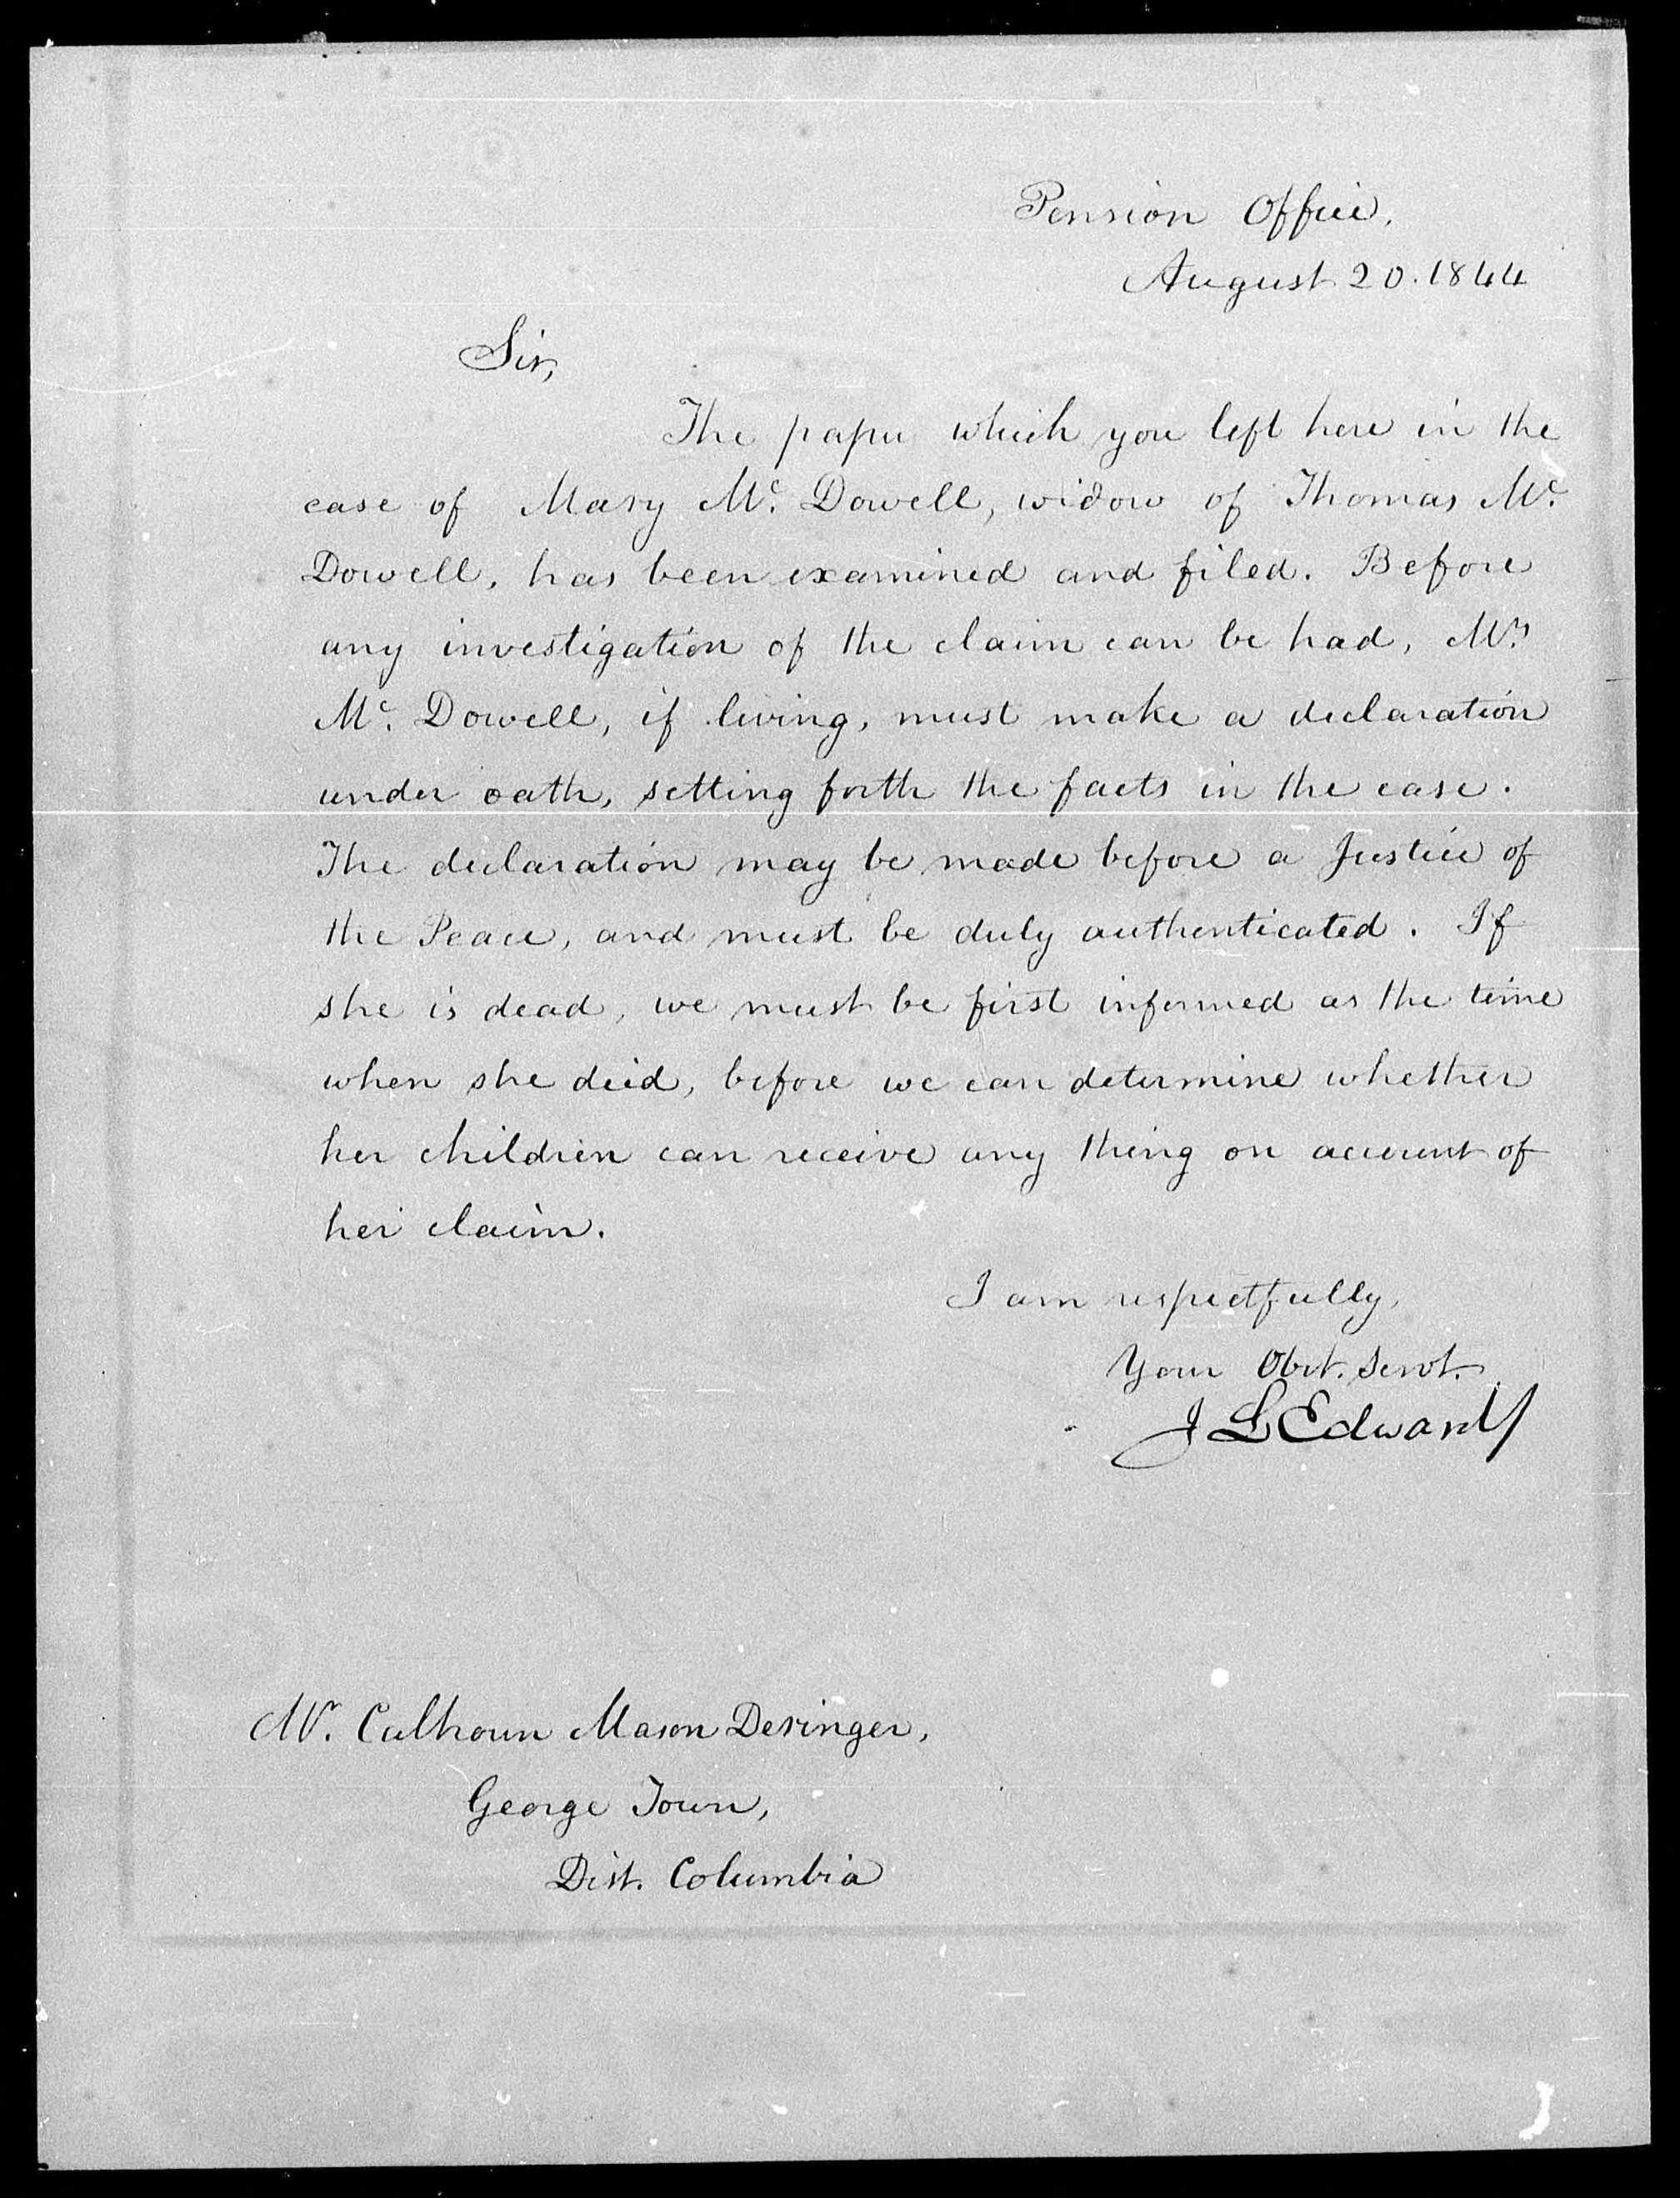Pension Office,
                                August 20. 1866

   Sir;

           The paper which you left here in the case of Mary McDowell, widow of Thomas McDowell, has been examined and filed.  Before any investigation of the claim can be had, Mrs. McDowell, if living, must make a declaration under oath, setting forth the facts in the case.  The declaration may be made before a Justice of the Peace, and must be duly authenticated.  If she is dead, we must be first informed as the time when she died, before we can determine whether her children can receive any thing on account of her claim.
                I am respectfully,
                         Your Obt. Servt.
                          J. L. Edwards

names: Calhoun Mason; Mary Mc Dowell; J L Edwards; Thomas Mc Dowell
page: 45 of 63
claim: widow's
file: W 2957, for Thomas Mc Dowell, Maryland